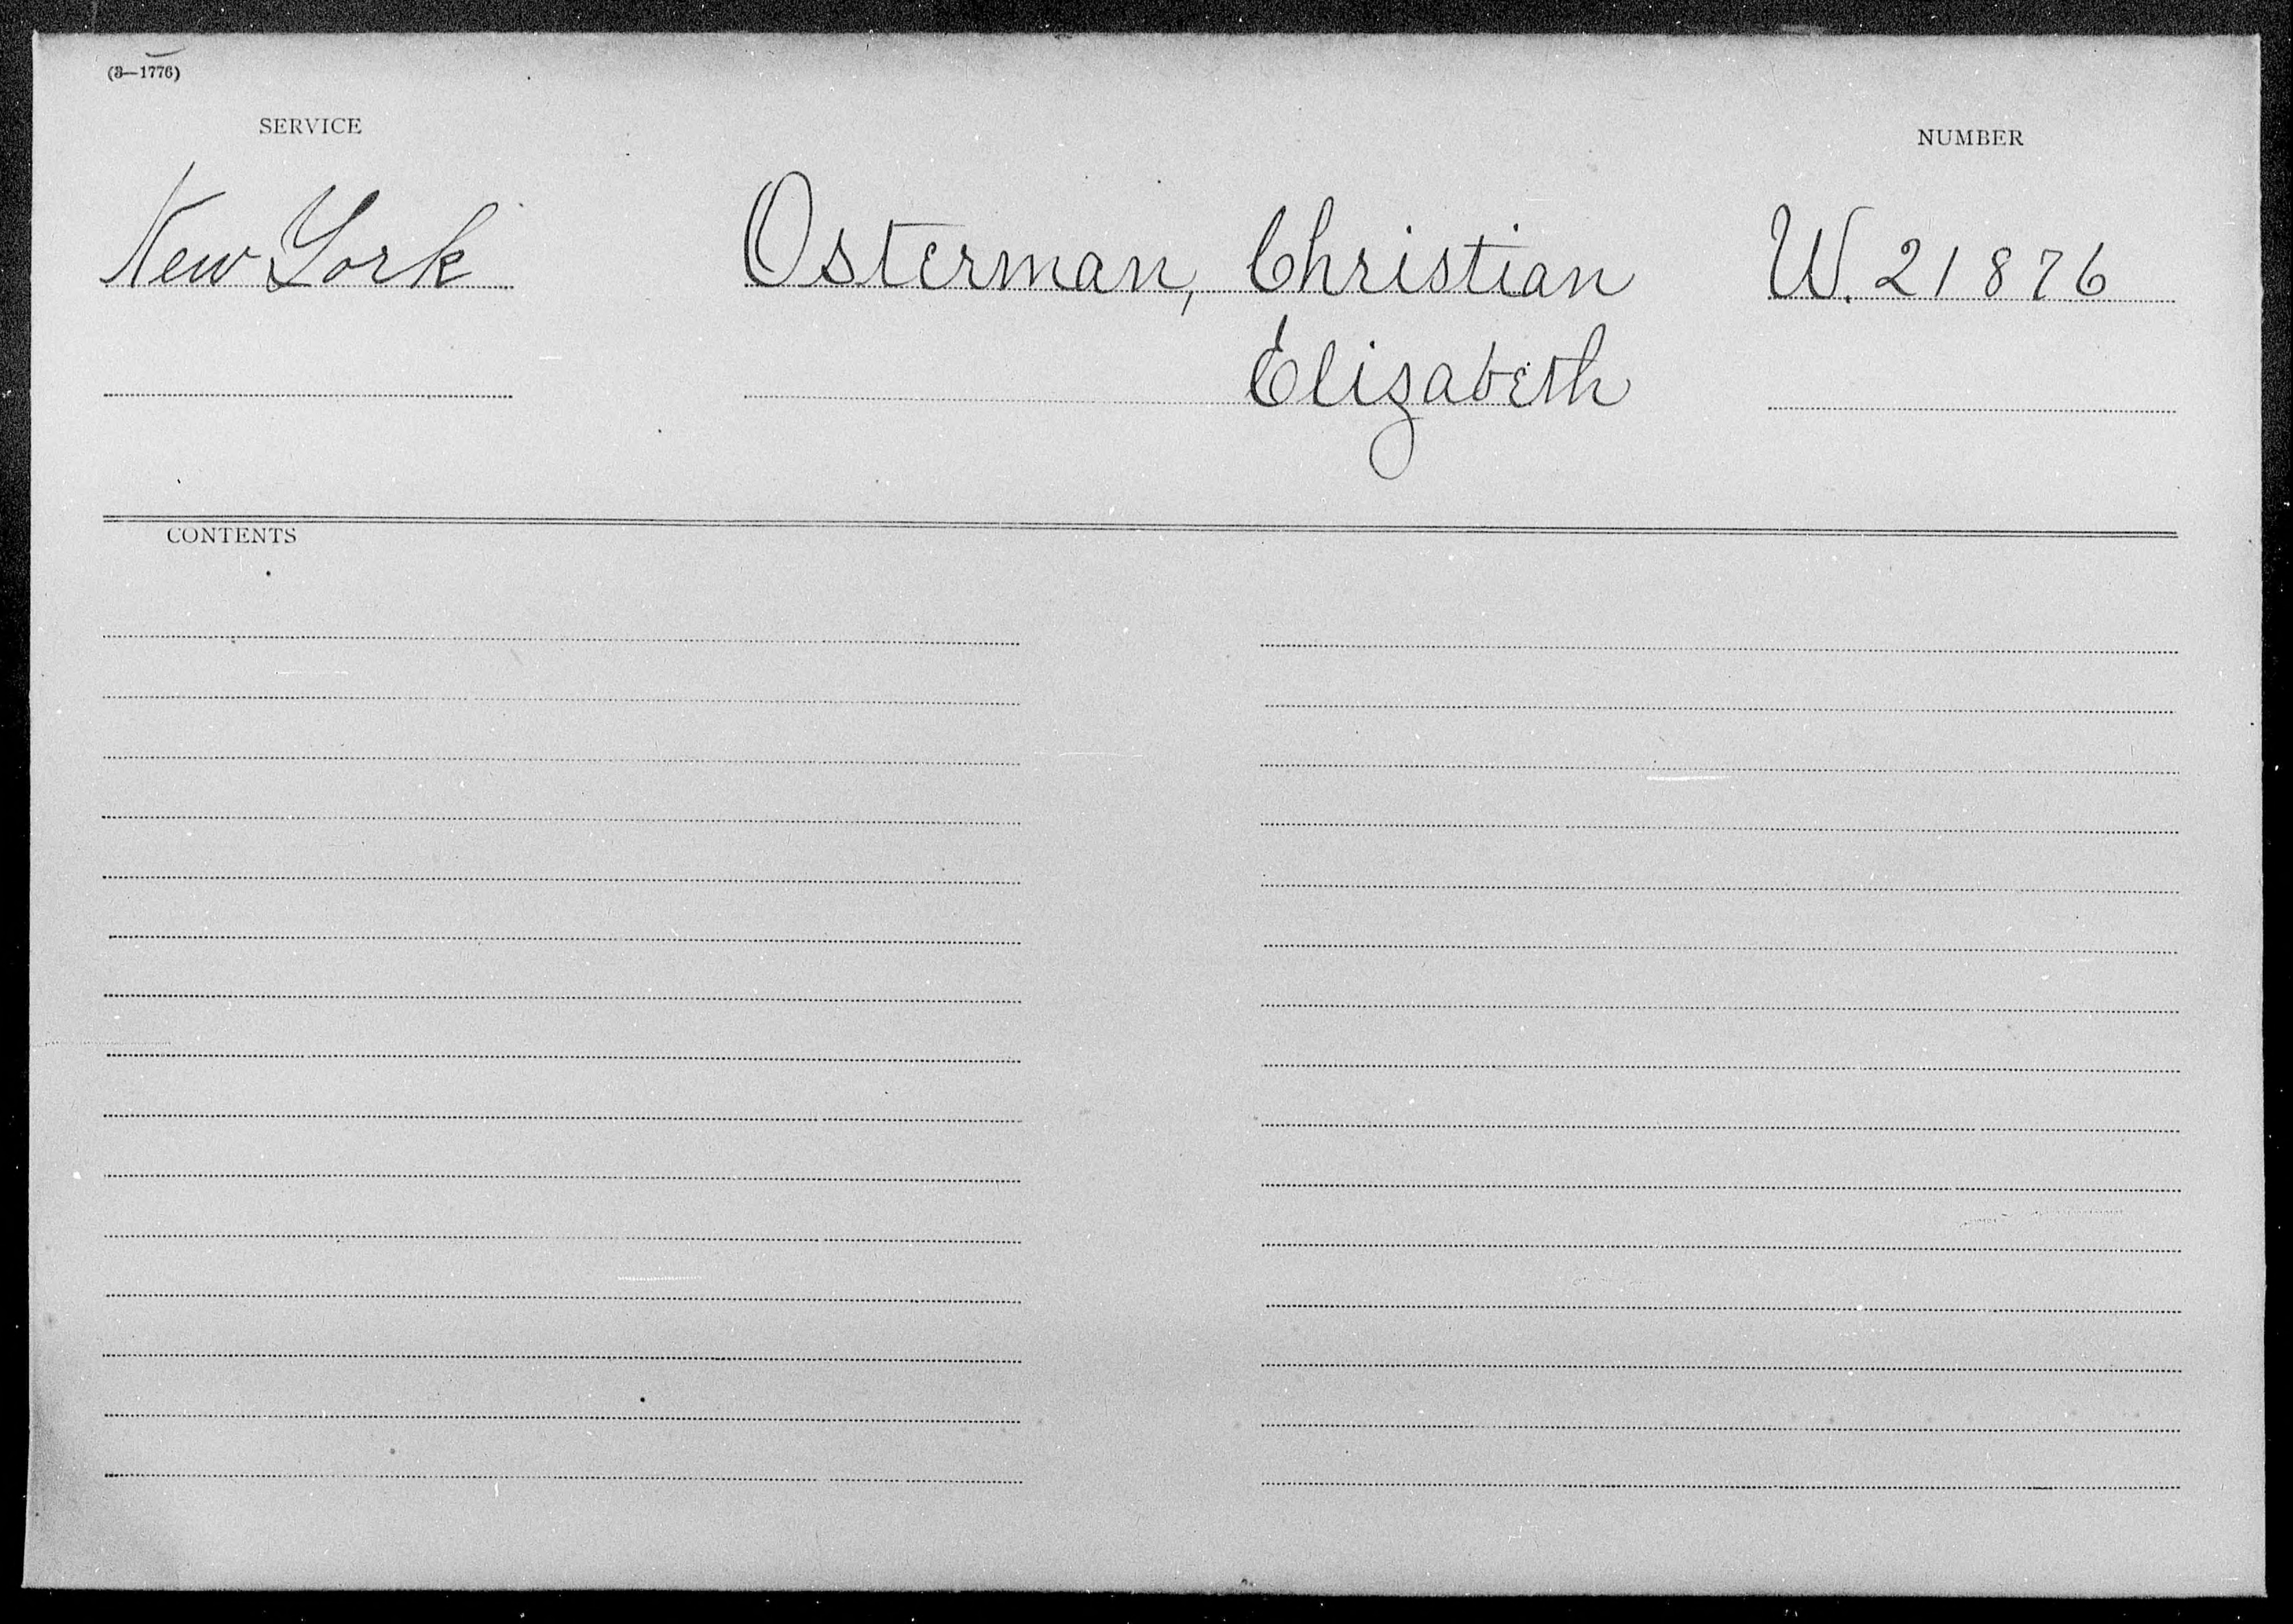(3-1776)
Service 
New York 

Osterman, Christian
Elizabeth 

Number 
W.21876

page: 1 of 40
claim: widow's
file: W. 21876, for Christian Osterman, New York